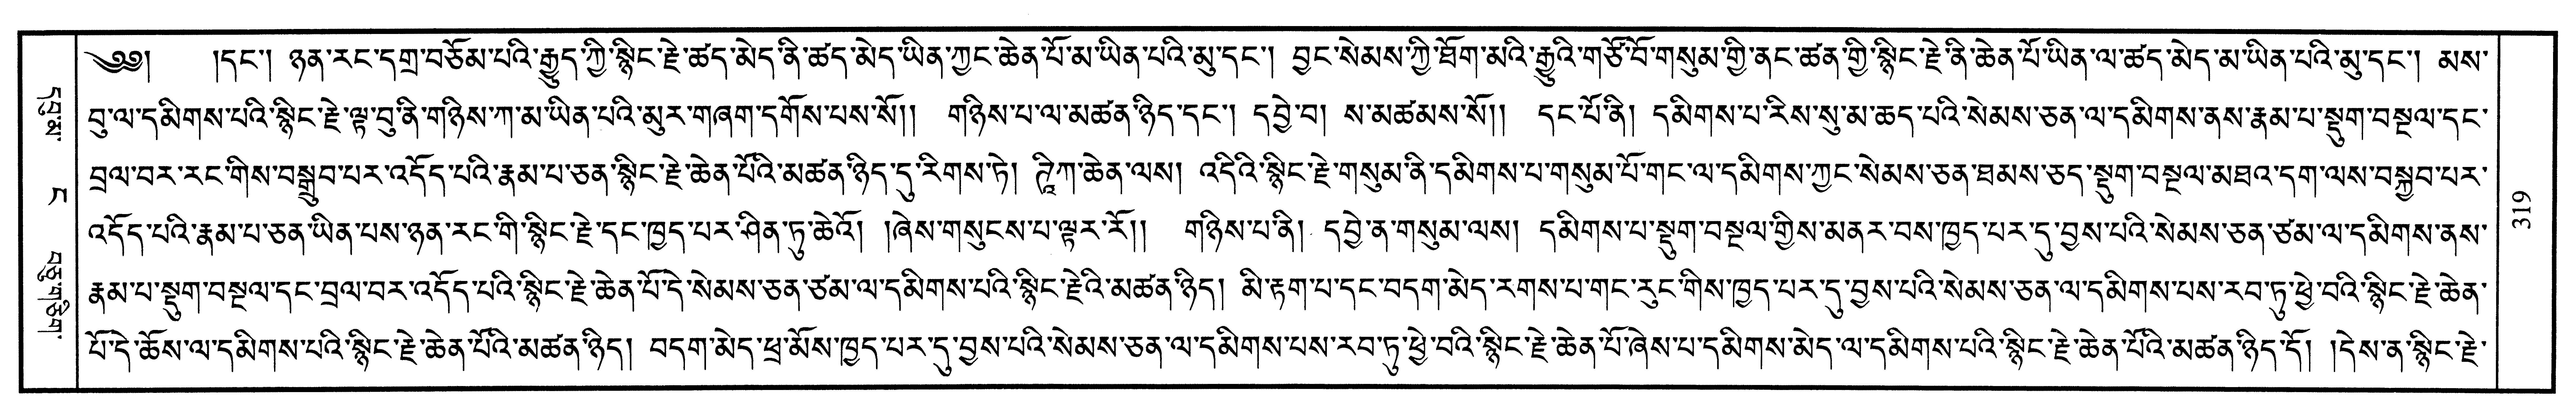༄༅། །དང་། ཉན་རང་དགྲ་བཅོམ་པའི་རྒྱུད་ཀྱི་སྙིང་རྗེ་ཚད་མེད་ནི་ཚད་མེད་ཡིན་ཀྱང་ཆེན་པོ་མ་ཡིན་པའི་མུ་དང་། བྱང་སེམས་ཀྱི་ཐོག་མའི་རྒྱུའི་གཙོ་བོ་གསུམ་གྱི་ནང་ཚན་གྱི་སྙིང་རྗེ་ནི་ཆེན་པོ་ཡིན་ལ་ཚད་མེད་མ་ཡིན་པའི་མུ་དང་། མས་
བུ་ལ་དམིགས་པའི་སྙིང་རྗེ་ལྟ་བུ་ནི་གཉིས་ཀ་མ་ཡིན་པའི་མུར་གཞག་དགོས་པས་སོ།། གཉིས་པ་ལ་མཚན་ཉིད་དང་། དབྱེ་བ། ས་མཚམས་སོ།། དང་པོ་ནི། དམིགས་པ་རིས་སུ་མ་ཆད་པའི་སེམས་ཅན་ལ་དམིགས་ནས་རྣམ་པ་སྡུག་བསྔལ་དང་
བྲལ་བར་རང་གིས་བསྒྲུབ་པར་འདོད་པའི་རྣམ་པ་ཅན་སྙིང་རྗེ་ཆེན་པོའི་མཚན་ཉིད་དུ་རིགས་ཏེ། ཊཱིཀ་ཆེན་ལས། འདིའི་སྙིང་རྗེ་གསུམ་ནི་དམིགས་པ་གསུམ་པོ་གང་ལ་དམིགས་ཀྱང་སེམས་ཅན་ཐམས་ཅད་སྡུག་བསྔལ་མཐའ་དག་ལས་བསྐྱབ་པར་
འདོད་པའི་རྣམ་པ་ཅན་ཡིན་པས་ཉན་རང་གི་སྙིང་རྗེ་དང་ཁྱད་པར་ཤིན་ཏུ་ཆེའོ། །ཞེས་གསུངས་པ་ལྟར་རོ།། གཉིས་པ་ནི། དབྱེ་ན་གསུམ་ལས། དམིགས་པ་སྡུག་བསྔལ་གྱིས་མནར་བས་ཁྱད་པར་དུ་བྱས་པའི་སེམས་ཅན་ཙམ་ལ་དམིགས་ནས་
རྣམ་པ་སྡུག་བསྔལ་དང་བྲལ་བར་འདོད་པའི་སྙིང་རྗེ་ཆེན་པོ་དེ་སེམས་ཅན་ཙམ་ལ་དམིགས་པའི་སྙིང་རྗེའི་མཚན་ཉིད། མི་རྟག་པ་དང་བདག་མེད་རགས་པ་གང་རུང་གིས་ཁྱད་པར་དུ་བྱས་པའི་སེམས་ཅན་ལ་དམིགས་པས་རབ་ཏུ་ཕྱེ་བའི་སྙིང་རྗེ་ཆེན་
པོ་དེ་ཆོས་ལ་དམིགས་པའི་སྙིང་རྗེ་ཆེན་པོའི་མཚན་ཉིད། བདག་མེད་ཕྲ་མོས་ཁྱད་པར་དུ་བྱས་པའི་སེམས་ཅན་ལ་དམིགས་པས་རབ་ཏུ་ཕྱེ་བའི་སྙིང་རྗེ་ཆེན་པོ་ཞེས་པ་དམིགས་མེད་ལ་དམིགས་པའི་སྙིང་རྗེ་ཆེན་པོའི་མཚན་ཉིད་དོ། །དེས་ན་སྙིང་རྗེ་